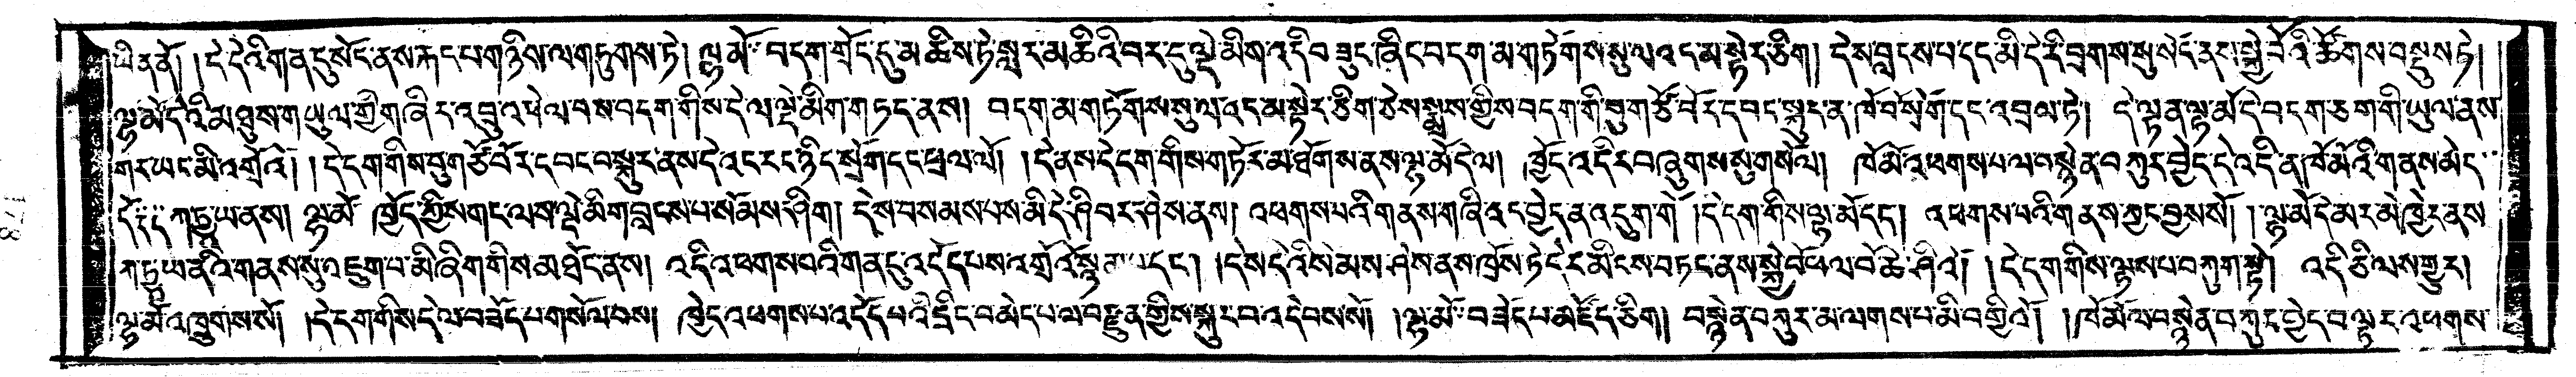ཡིན་ནོ། །དེ་དེའི་གན་དུ་སོང་ནས་རྐང་པ་གཉིས་ལ་གཏུགས་ཏེ། ལྷ་མོ་བདག་གྲོང་དུ་མཆིས་ཏེ་སླར་མཆིའི་བར་དུ་ལྡེ་མིག་འདི་བཟུང་ཞིང་བདག་མ་གཏོགས་སུ་ལའང་མ་སྟེར་ཅིག། དེས་བླངས་པ་དང་མི་དེ་རི་བྲགས་སུ་སོང་ནས་སྐྱེ་བོའི་ཚོགས་བསྡུས་ཏེ།
ལྷ་མོ་དེའི་མཐུས་གཡུལ་གྱི་གཞིར་འབྲུ་འཕེལ་བས་བདག་གིས་དེ་ལ་ལྡེ་མིག་གཏད་ནས། བདག་མ་གཏོགས་སུ་ལའང་མ་སྟེར་ཅིག་ཅེས་སྨྲས་གྱིས་བདག་གི་བུ་གཙོ་བོར་དབང་སྐུར་ན་ཁོ་བོ་སྲོག་དང་འབྲལ་ཏེ། དེ་ལྟན་ལྷ་མོ་དེ་བདག་ཅག་གི་ཡུལ་ནས་
གར་ཡང་མི་འགྲོའོ། །དེ་དག་གིས་བུ་གཙོ་བོར་དབང་བསྐུར་ནས་དེ་འང་རང་ཉིད་སྲོག་དང་ཕྲལ་ལོ། །དེ་ནས་དེ་དག་གིས་གཏོར་མ་ཐོགས་ནས་ལྷ་མོ་དེ་ལ། ཁྱོད་འདིར་བཞུགས་སུ་གསོལ། ཁོ་མོ་འཕགས་པ་ལ་བསྙེན་བཀུར་བྱེད་དེ་འདི་ན་ཁོ་མོའི་གནས་མེད་
དོ༑ ༑ཀ་ཏྱཱ་ཡ་ནས། ལྷ་མོ་ཁྱོད་ཀྱིས་གང་ལས་ལྡེ་མིག་བླངས་པ་སོམས་ཤིག། དེས་བསམས་པས་མི་དེ་ཤི་བར་ཤེས་ནས། འཕགས་པའི་གནས་གཞི་འང་བྱེད་ན་འདུག་གོ །དེ་དག་གིས་ལྷ་མོ་དང་། འཕགས་པའི་གནས་ཀྱང་བྱས་སོ། །ལྷ་མོ་དེ་མར་མེ་ཁྱེད་ནས་
ཀ་ཏྱཱ་ཡ་ནའི་གནས་སུ་འཇུག་པ་མི་ཞིག་གིས་མཐོང་ནས། འདི་འཕགས་བའི་གན་དུ་འདོད་པས་འགྲོའོ་སྙམ་པ་དང་། །དེས་དེའི་སེམས་ཤེས་ནས་ཁྲོས་ཏེ་དེར་མི་ངས་བཏང་ནས་སྐྱེ་བོ་ཕལ་བོ་ཆེ་ཤིའོ། །དེ་དག་གིས་ལྟས་པ་བཀུག་སྟེ། འདི་ཅི་ལས་གྱུར།
ལྷ་མོ་འཁྲུགས་སོ། །དེ་དག་གིས་དེ་ལ་བཟོད་པ་གསོལ་བས། ཁྱེད་འཕགས་པ་འདོད་པའི་དྲིང་བ་མེད་པ་ལ་བརྫུན་གྱིས་སྐུར་བ་འདེབས་སོ། །ལྷ་མོ་བཟོད་པ་མཛོད་ཅིག། བསྙེན་བཀུར་མ་ལགས་པ་མི་བགྱིའོ། །ཁོ་མོ་ལ་བསྙེན་བཀུར་བྱེད་བལྟར་འཕགས་